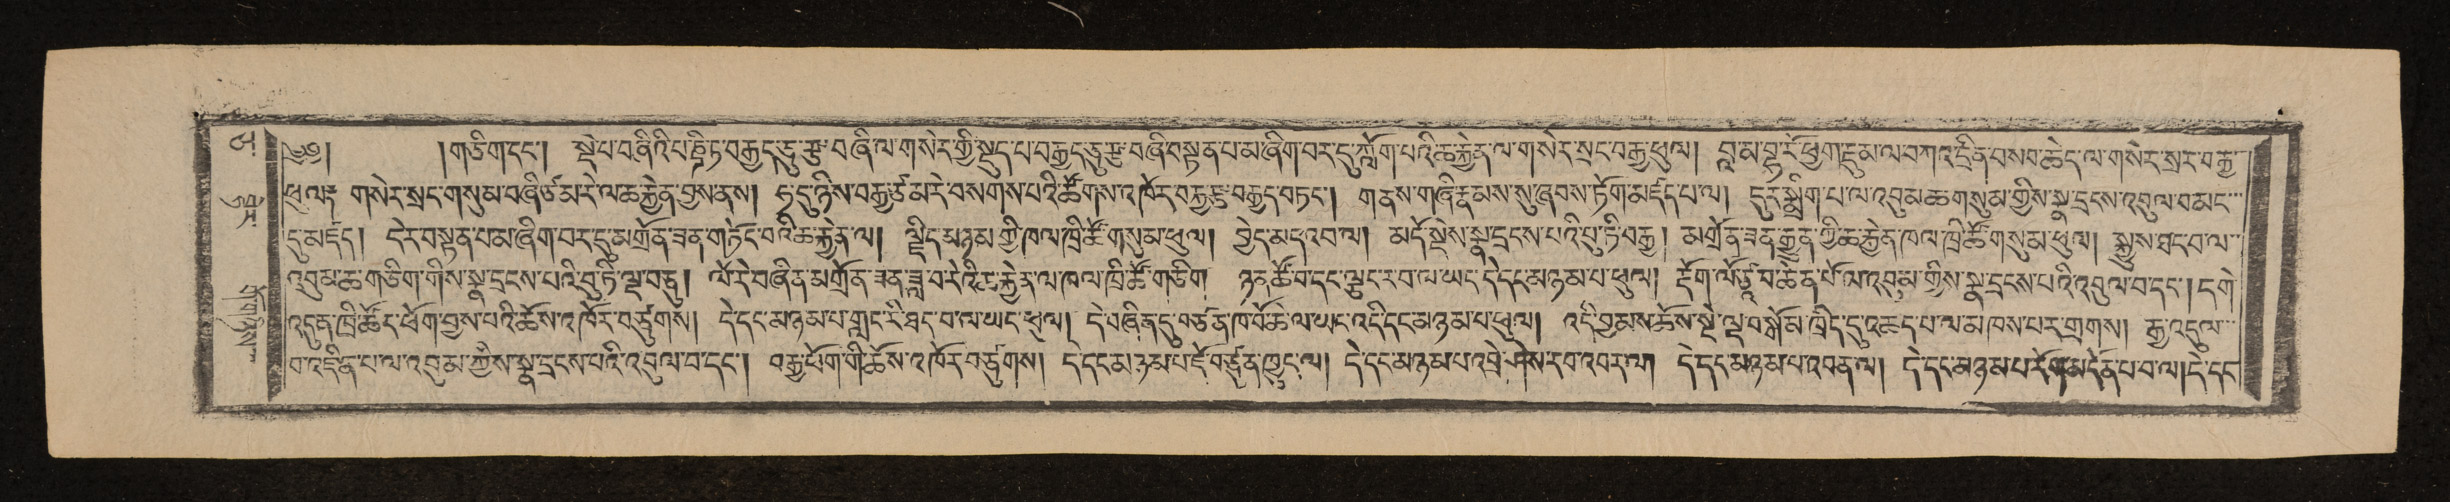༄༅། །གཅིག་དང་། སྡེ་པ་བཞིའི་པཎྜིཏ་བརྒྱད་ཅུ་རྩ་བཞི་ལ་གསེར་གྱི་སྡུད་པ་བརྒྱད་ཅུ་རྩ་བཞི་བསྟན་པ་མ་ཞིག་བར་དུ་ཀློག་པའི་ཆ་རྐྱེན་ལ་གསེར་སྲང་བརྒྱ་ཕུལ། བླ་མ་བྷ་རོ་ཕྱག་རྡུམ་ལ་བཀའ་དྲིན་བསབ་ཆེད་ལ་གསེར་སྲང་བརྒྱ་
ཕུལ༑ གསེར་སྲང་གསུམ་བཞི་ཙམ་རེ་ལ་ཆ་རྐྱེན་བྱས་ནས། ཧ་དུ་ཉིས་བརྒྱ་ཙམ་རེ་བསགས་པའི་ཚོགས་འཁོར་བརྒྱ་རྩ་བརྒྱད་བཏང་། གནས་གཞི་རྣམས་སུ་ཞབས་ཏོག་མཛད་པ་ལ། ངུར་སྨྲིག་པ་ལ་འབུམ་ཆ་གསུམ་གྱིས་སྣ་དྲངས་འབུལ་བ་མང་
དུ་མཛད། དེར་བསྟན་པ་མ་ཞིག་བར་དུ་མགྲོན་ཟན་གཏོང་བའི་ཆ་རྐྱེན་ལ། ལྗིད་མཉམ་གྱི་ཁལ་ཁྲི་ཚོ་གསུམ་ཕུལ། བྱེད་མདའ་བ་ལ། མདོ་སྡེས་སྣ་དྲངས་པའི་པུ་ཏི་བརྒྱ། མགྲོན་ཟན་རྒྱུན་གྱི་ཆ་རྐྱེན་ཁལ་ཁྲི་ཚོ་གསུམ་ཕུལ། སྐྱུས་ཐང་པ་ལ་
འབུམ་ཆ་གཅིག་གིས་སྣ་དྲངས་པའི་པུ་ཏི་ལྔ་བཅུ། ལོ་རེ་བཞིན་མགྲོན་ཟན་ཟླ་བ་རེའི་ཆ་རྐྱེན་ལ་ཁལ་ཁྲི་ཚོ་གཅིག །ཉན་ཚོ་བ་དང་ལྕང་རབ་ལ་ཡང་དེ་དང་མཉམ་པ་ཕུལ། རྡོག་ལོ་ཙཱ་བ་ཆེན་པོ་ལ་འབུམ་གྱིས་སྣ་དྲངས་པའི་འབུལ་བ་དང་། དགེ་
འདུན་ཁྲི་ཚོར་ཕོག་བྱས་པའི་ཆོས་འཁོར་བཙུགས། དེ་དང་མཉམ་པ་གླང་རི་ཐང་བ་ལ་ཡང་ཕུལ། དེ་བཞིན་དུ་བཙན་ཁ་བོ་ཆེ་ལ་ཡང་འདི་དང་མཉམ་པ་ཕུལ། འདི་བྱམས་ཆོས་སྡེ་ལྔ་བསྒོམ་ཁྲིད་དུ་འཆད་པ་ལ་མཁས་པར་གྲགས། རྒྱ་འདུལ་
བ་འཛིན་པ་ལ་འབུམ་གྱིས་སྣ་དྲངས་པའི་འབུལ་བ་དང་། བརྒྱ་ཕོག་གི་ཆོས་འཁོར་བཙུགས། དེ་དང་མཉམ་པ་ཇོ་བཙུན་ཁྱུང་ལ། དེ་དང་མཉམ་པ་འབྲེ་ཤེས་རབ་འབར་ལ། དེ་དང་མཉམ་པ་འབན་ལ། དེ་དང་མཉམ་པ་རོག་མངོན་པ་བ་ལ། དེ་དང་